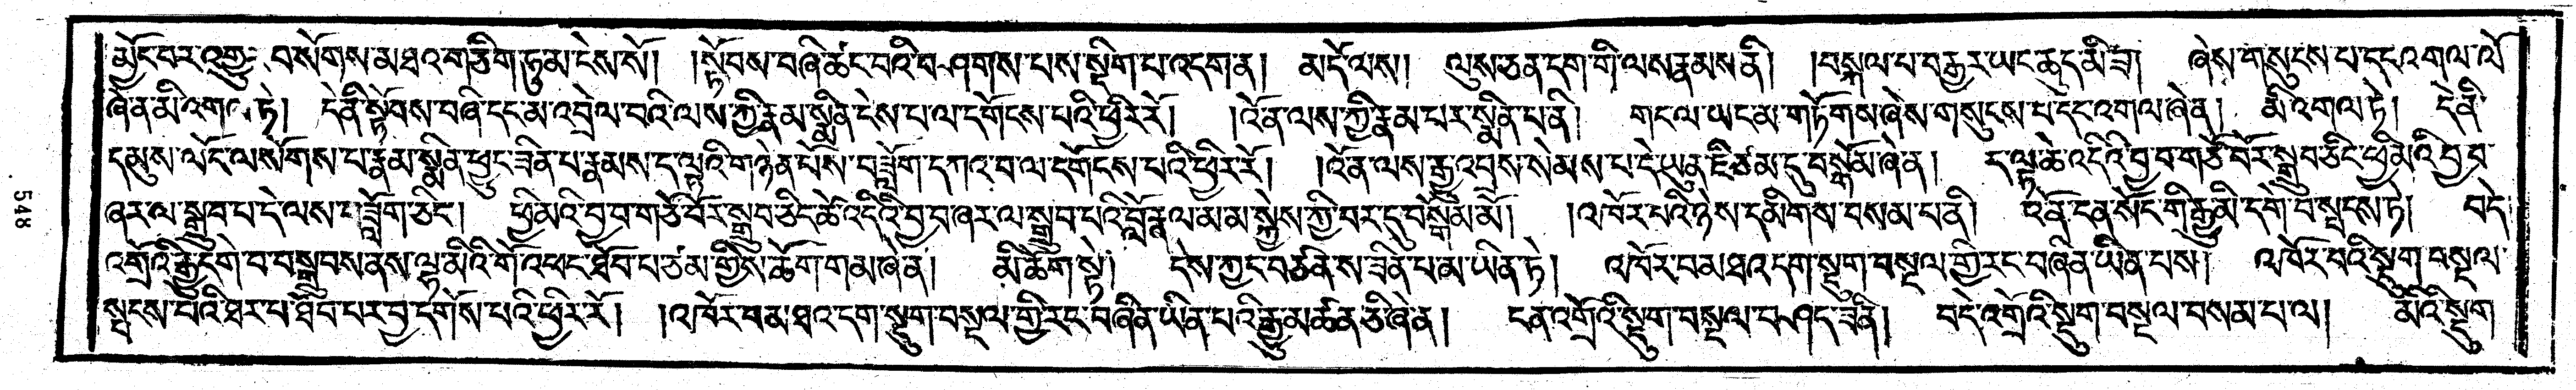མྱོང་བར་འགྱུར་བ་སོགས་མཐའ་གཅིག་ཏུ་མ་ངེས་སོ། །སྟོབས་བཞི་ཚང་བའི་བཤགས་པས་སྡིག་པ་འདག་ན། མདོ་ལས། ལུས་ཅན་དག་གི་ལས་རྣམས་ནི། །བསྐལ་པ་བརྒྱར་ཡང་ཆུད་མི་ཟ། ཞེས་གསུངས་པ་དང་འགལ་ལོ་
ཞེ་ན་མི་འགལ་ཏེ། དེ་ནི་སྟོབས་བཞི་དང་མ་འབྲེལ་བའི་ལས་ཀྱི་རྣམ་སྨིན་ངེས་པ་ལ་དགོངས་པའི་ཕྱིར་རོ། །འོ་ན་ལས་ཀྱི་རྣམ་པར་སྨིན་པ་ནི། གང་ལ་ཡང་མ་གཏོགས་ཞེས་གསུངས་པ་དང་འགལ་ཞེ་ན། མི་འགལ་ཏེ། དེ་ནི་
དམུས་ལོང་ལ་སོགས་པ་རྣམ་སྨིན་ཕྱུང་ཟིན་པ་རྣམས་ད་ལྟའི་གཉེན་པོས་བཟློག་དཀའ་བ་ལ་དགོངས་པའི་ཕྱིར་རོ། །འོ་ན་ལས་རྒྱུ་འབྲས་སེམས་པ་དེ་ཡུན་ཇི་ཙམ་དུ་བསྒོམ་ཞེ་ན། ད་ལྟ་ཆེ་འདིའི་བྱ་བ་གཙོ་བོར་སྒྲུབ་ཅིང་ཕྱི་མའི་བྱ་བ་
ཞར་ལ་སྒྲུབ་པ་དེ་ལས་བཟློག་ཅིང་། ཕྱི་མའི་བྱ་བ་གཙོ་བོར་སྒྲུབ་ཅིང་ཚེ་འདིའི་བྱ་བ་ཞར་ལ་སྒྲུབ་པའི་བློ་རྣལ་མ་མ་སྐྱེས་ཀྱི་བར་དུ་བསྒོམ་མོ། །འཁོར་པའི་ཉེས་དམིགས་བསམ་པ་ནི། འོན་ངན་སོང་གི་རྒྱུ་མི་དགེ་བ་སྤངས་ཏེ། བདེ་
འགྲོའི་རྒྱུ་དགེ་བ་བསྒྲུབས་ནས་ལྷ་མིའི་གོ་འཕང་ཐོབ་པ་ཙམ་གྱིས་ཆོག་གམ་ཞེ་ན། མི་ཆོག་སྟེ། དེས་ཀྱང་བཙན་ས་ཟིན་པ་མ་ཡིན་ཏེ། འཁོར་བ་མཐའ་དག་སྡུག་བསྔལ་གྱི་རང་བཞིན་ཡིན་པས། འཁོར་བའི་སྡུག་བསྔལ་
སྤངས་པའི་ཐར་པ་ཐོབ་པར་བྱ་དགོས་པའི་ཕྱིར་རོ། །འཁོར་བ་མཐའ་དག་སྡུག་བསྔལ་གྱི་རང་བཞིན་ཡིན་པའི་རྒྱུ་མཚན་ཅི་ཞེ་ན། ངན་འགྲོའི་སྡུག་བསྔལ་བཤད་ཟིན། བདེ་འགྲོའི་སྡུག་བསྔལ་བསམ་པ་ལ། མིའི་སྡུག་